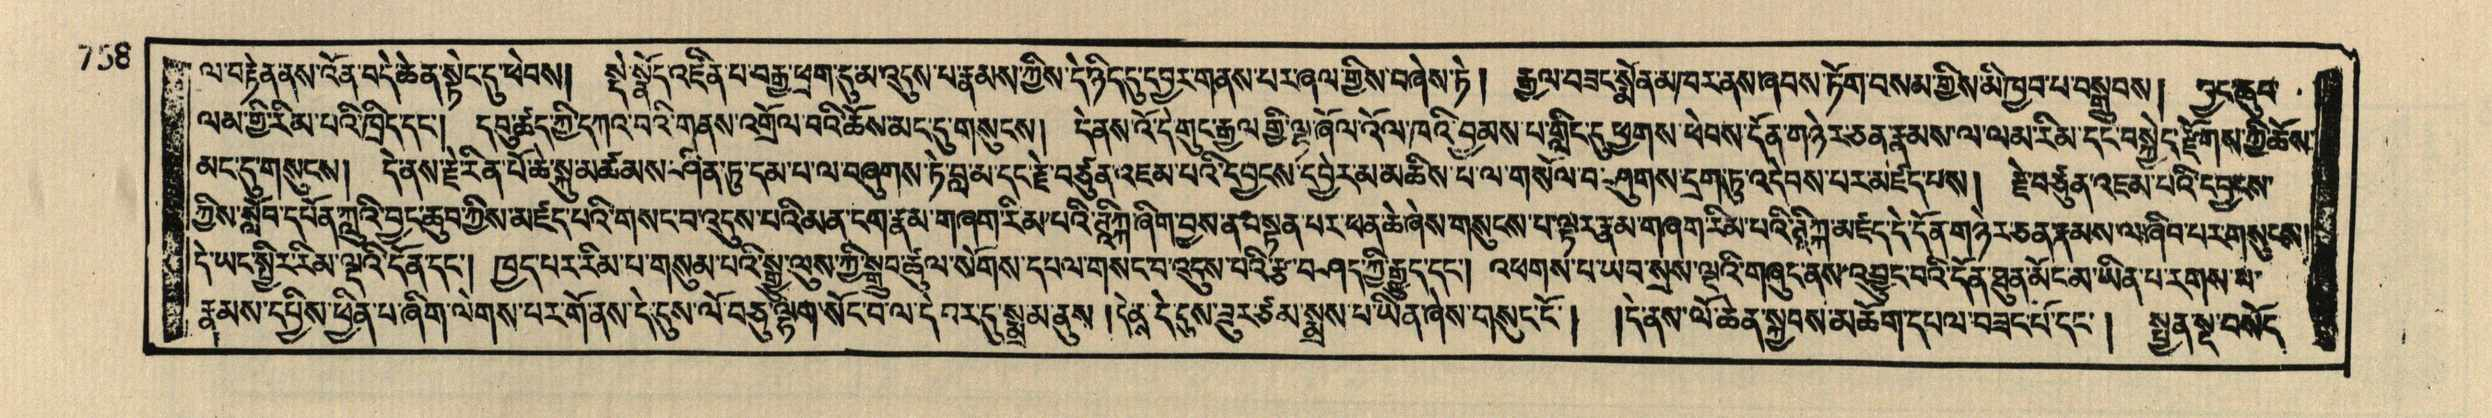ལ་བརྟེན་ནས་འོན་བདེ་ཆེན་སྟེང་དུ་ཕེབས། སྡེ་སྣོད་འཛིན་པ་བརྒྱ་ཕྲག་དུ་མ་འདུས་པ་རྣམས་ཀྱིས་དེ་ཉིད་དུ་དབྱར་གནས་པར་ཞལ་གྱིས་བཞེས་ཏེ། རྒྱལ་བཟང་སྨོན་མཁར་ནས་ཞབས་ཏོག་བསམ་གྱིས་མི་ཁྱབ་པ་བསྒྲུབས། བྱང་ཆུབ་
ལམ་གྱི་རིམ་པའི་ཁྲིད་དང་། དབུ་ཚད་ཀྱི་དཀའ་བའི་གནས་འགྲོལ་བའི་ཆོས་མང་དུ་གསུངས། དེ་ནས་འོ་དེ་གུང་རྒྱལ་གྱི་ལྷ་ཞོལ་འོལ་ཁའི་བྱམས་པ་གླིང་དུ་ཕྱགས་ཕེབས་དོན་གཉེར་ཅན་རྣམས་ལ་ལམ་རིམ་དང་བསྐྱེད་རྫོགས་ཀྱི་ཆོས་
མང་དུ་གསུངས། དེ་ནས་རྗེ་རིན་པོ་ཆེ་སྐུ་མཚམས་ཤིན་ཏུ་དམ་པ་ལ་བཞུགས་ཏེ་བླ་མ་དང་རྗེ་བཙུན་འཇམ་པའི་དབྱངས་དབྱེར་མ་མཆིས་པ་ལ་གསོལ་བ་ཤུགས་དྲག་ཏུ་འདེབས་པར་མཛད་པས། རྗེ་བཙུན་འཇམ་པའི་དབྱངས་
ཀྱིས་སློབ་དཔོན་ཀླུའི་བྱང་ཆུབ་ཀྱིས་མཛད་པའི་གསང་བ་འདུས་པའི་མན་ངག་རྣམ་གཞག་རིམ་པའི་ཊཱིཀྐ་ཞིག་བྱས་ན་བསྟན་པར་ཕན་ཆེ་ཞེས་གསུངས་པ་ལྟར་རྣམ་གཞག་རིམ་པའི་ཊཱིཀྐ་མཛད་དེ་དོན་གཉེར་ཅན་རྣམས་ལ་ཞིབ་པར་གསུངས།
དེ་ཡང་སྤྱིར་རིམ་ལྔའི་དོན་དང་། ཁྱད་པར་རིམ་པ་གསུམ་པའི་སྒྱུ་ལུས་ཀྱི་སྒྲུབ་ཚུལ་སོགས་དཔལ་གསང་བ་འདུས་པའི་རྩ་བཤད་ཀྱི་རྒྱུད་དང་། འཕགས་པ་ཡབ་སྲས་ལྔའི་གཞུང་ནས་འབྱུང་བའི་དོན་ཐུན་མོང་མ་ཡིན་པ་རགས་པ་
རྣམས་དཔྱིས་ཕྱིན་པ་ཞིག་ལེགས་པར་གོ་ནས་དེ་དུས་ལོ་བཅུ་ལྷག་སོང་བ་ལ་དེ་བར་དུ་སྨྲ་མ་ནུས་།དེ་ནས་དེ་དུས་ཟུར་ཙམ་སྨྲས་པ་ཡིན་ཞེས་གསུང་ངོ། །དེ་ནས་ལོ་ཆེན་སྐྱབས་མཆོག་དཔལ་བཟང་པོ་དང་། སྤྱན་སྔ་བསོད་